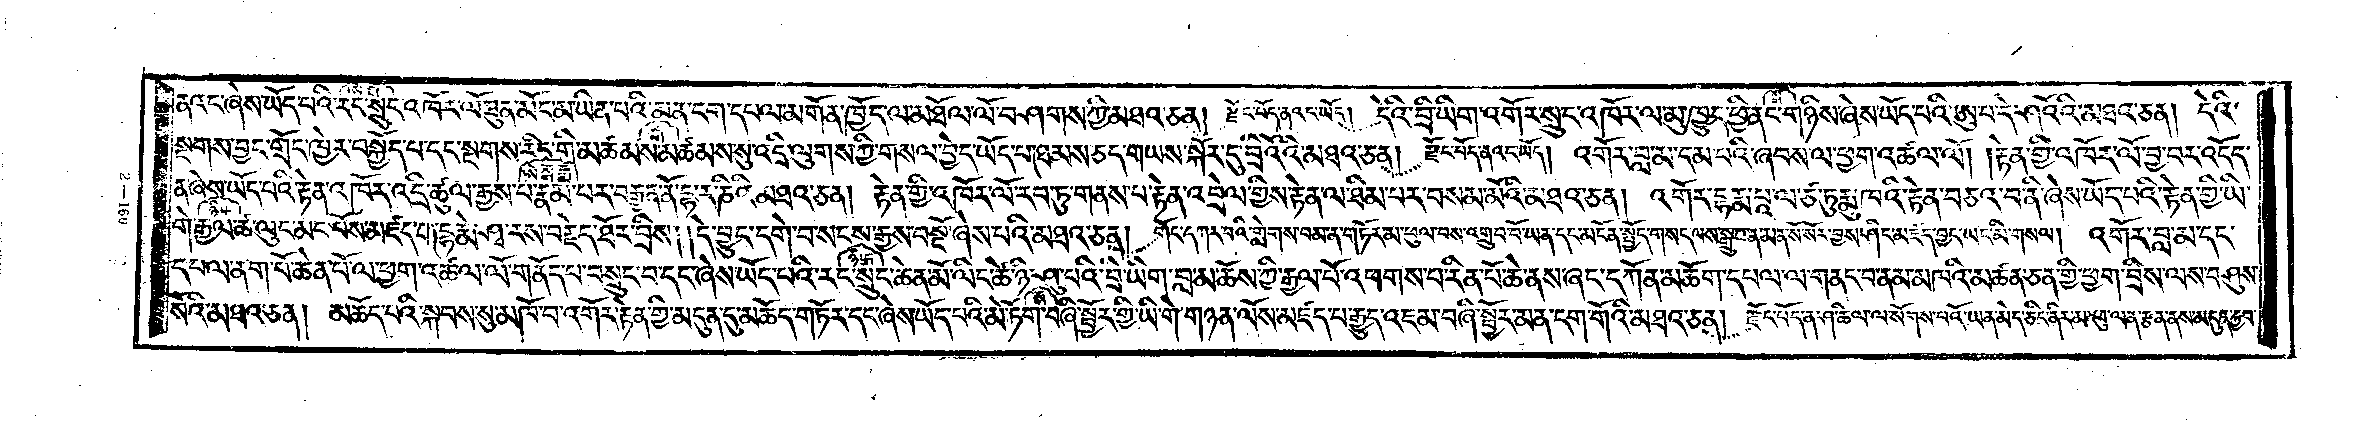ནའང་ཞེས་ཡོད་པའི་རང་སྲུང་འཁོར་ལོ་ཐུན་མོང་མ་ཡིན་པའི་མན་ངག་དཔལ་མགོན་ཁྱོད་ལ་མཐོལ་ལོ་བཤགས་ཀྱི་མཐའ་ཅན། རྫོང་པོད་ནའང་ཡོད།  དེའི་བྲི་ཡིག་འགོར་གསྲུང་འཁོར་ལ་མུ་ཁྱུད་ཕྱིན་པ་གཉིས་ཞེས་ཡོད་པའི་ཨུ་པ་དེ་ཤའོའི་མཐའ་ཅན། དེའི་
སྔགས་བྱང་གྲོང་ཁྱེར་བསྐྱོད་པ་དང་སྔགས་རིང་གི་མཚམས་མཚམས་སུ་འདྲི་ལུགས་ཀྱི་གསལ་བྱེད་ཡོད་པ༑ ཐམས་ཅད་གཡས་སྐོར་དུ་བྲིའོའི་མཐའ་ཅན། རྫོང་པོད་ནའང་ཡོད།  འགོར་བླ་མ་དམ་པའི་ཞབས་ལ་ཕྱག་འཚལ་ལོ། །རྟེན་གྱི་འཁོར་ལོ་བྱ་བར་འདོད་
ན་ཞེས་ཡོད་པའི་རྟེན་འཁོར་འདྲི་ཚུལ་རྒྱས་པ་རྣམ་པར་བརྒྱན་ནོ་ཕར་ཎིའི་མཐའ་ཅན། རྟེན་གྱི་འཁོར་ལོ་རབ་ཏུ་གནས་པ་རྟེན་འབྲེལ་གྱིས་རྟེན་ལ་ཐིམ་པར་བསམ་མོའི་མཐའ་ཅན། འགོར་དྷརྨ་པཱ་ལ་ཙ་ཏུརྨུ་ཁའི་རྟེན་བཅའ་བ་ནི་ཞེས་ཡོད་པའི་རྟེན་གྱི་ཡི་
གེ་རྒྱལ་ཚ་ལུང་མང་པོས་མཛད་པ༑ དྷརྨེ་ཤྭ་རས་བརྗེད་ཐོར་བྲིས། །དེ་བྱུང་དགེ་བ་སངས་རྒྱས་བསྔོ་ཞེས་པའི་མཐའ་ཅན། གོང་དཀར་བའི་གླེགས་བམ་ན་གཏོར་མ་ཕུལ་བས་གྲུབ་བོ་ཡན་དང་མངོན་སྤྱོད་གསད་ལས་སྒྲུབ་ན་མན་སོ་སོར་བྱས་ཤིང་མཛད་བྱང་ཡང་མི་གསལ།  འགོར་བླ་མ་དང་
དཔལ་ནག་པོ་ཆེན་པོ་ལ་ཕྱག་འཚལ་ལོ་གནོད་པ་སྲུང་བ་དང་ཞེས་ཡོད་པའི་རང་སྲུང་ཆེན་མོ་ལིང་ཚེ་ཉི་ཤུ་པའི་བྲི་ཡིག་བླ་མ་ཆོས་ཀྱི་རྒྱལ་པོ་འཕགས་པ་རིན་པོ་ཆེ་ནས་ཞང་དཀོན་མཆོག་དཔལ་ལ་གནང་བ་ནམ་མཁའི་མཚན་ཅན་གྱི་ཕྱག་བྲིས་ལས་བཤུས་
སོའི་མཐའ་ཅན། མཆོད་པའི་སྐབས་སུ་མཁོ་བ་འགོར་རྟེན་གྱི་མདུན་ལྡུ་མཆོད་གཏོར་དང་ཞེས་ཡོད་པའི་མེ་ཏོག་བཞི་སྦྱོར་གྱི་ཡི་གེ་གཉན་ལོས་མཛད་པ་རྒྱུད་འཇམ་བཞི་སྦྱོར་མན་ངག་གོའི་མཐའ་ཅན། རྫོང་པོད་ན་ཤ་ཆིལ་ལ་སོགས་པའོ་ཡན་མེད་ཅིང་ནིར་མ་ཕུ་ལན་རྩན་ནས་མདུན་རྐྱ་